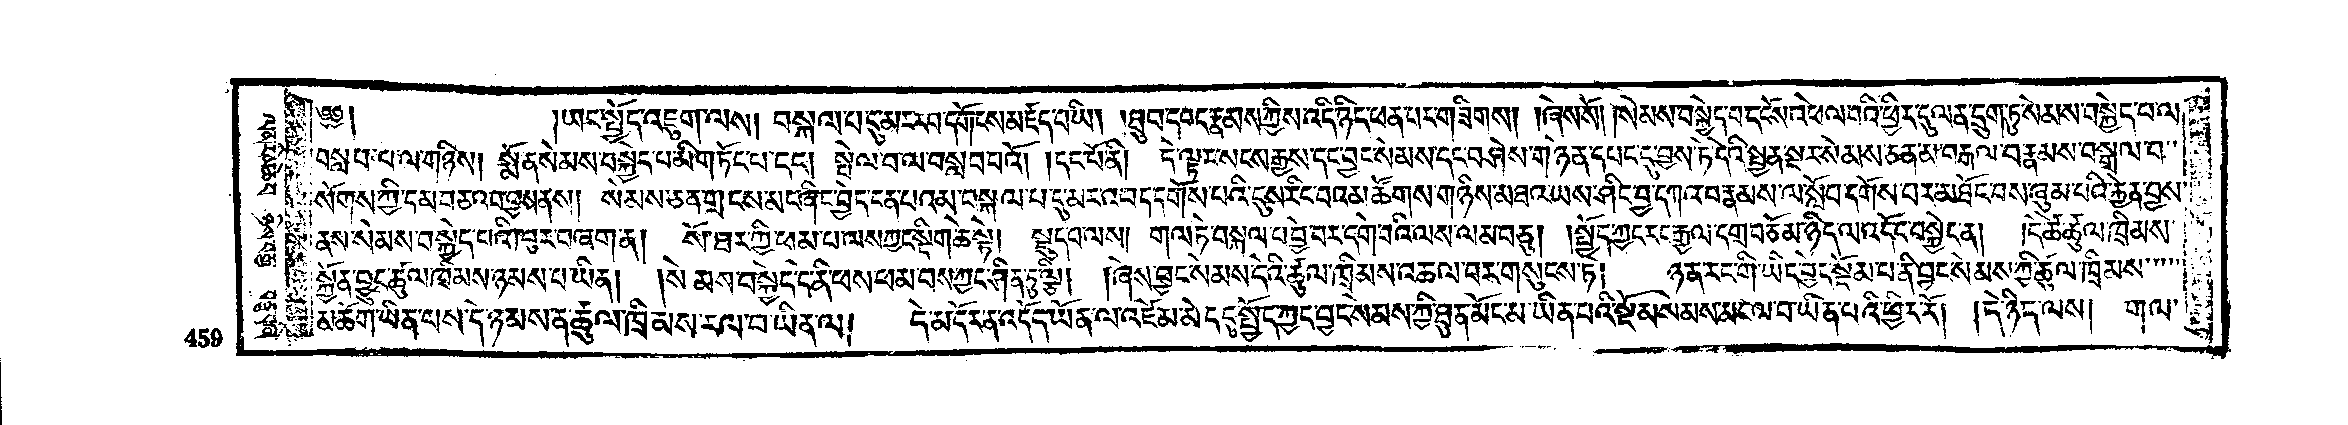༄༅། །ཡང་སྤྱོད་འཇུག་ལས། བསྐལ་པ་དུ་མར་རབ་དགོངས་མཛད་པ་ཡི། །ཐུབ་དབང་རྣམས་ཀྱིས་འདི་ཉིད་ཕན་བར་གཟིགས། །ཞེས་སོ། །སེམས་བསྐྱེད་པ་དངོས་འཕེལ་བའི་ཕྱིར་དུ་ལན་དྲུག་ཏུ་སེམས་བསྐྱེད་པ་ལ་
བསླབ་པ་ལ་གཉིས། སྨོན་སེམས་བསྐྱེད་པ་མི་གཏོང་བ་དང་། སྤེལ་བ་ལ་བསླབ་པའོ། །དང་པོ་ནི། དེ་ལྟར་སངས་རྒྱས་དང་བྱང་སེམས་དང་བཤེས་གཉེན་དབང་དུ་བྱས་ཏེ་དེའི་སྤྱན་སྔར་སེམས་ཅན་མ་བརྒལ་བ་རྣམས་བསྒྲལ་བ་
སོགས་ཀྱི་དམ་བཅའ་བ་བྱས་ནས། སེམས་ཅན་གྲངས་མང་ཞིང་བྱེད་ངན་པའམ་བསྐལ་པ་དུ་མར་འབད་དགོས་པའི་དུས་རིང་བའམ་ཚོགས་གཉིས་མཐའ་ཡས་ཤིང་བྱ་དཀའ་བ་རྣམས་ལ་སློབ་དགོས་པར་མཐོང་བས་ཞུམ་པའི་རྐྱེན་བྱས་
ནས་སེམས་བསྐྱེད་པའི་ཁུར་བཞག་?་ན། སོ་ཐར་གྱི་ཕམ་པ་ལས་ཀྱང་སྡིག་ཆེ་སྟེ། སྡུད་པ་ལས། གལ་ཏེ་བསྐལ་པ་བྱེ་བར་དགེ་བའི་ལས་ལམ་བཅུ། །སྤྱོད་ཀྱང་རང་རྒྱལ་དགྲ་བཅོམ་ཉིད་ལ་འདོད་བསྐྱེད་ན། །དེ་ཚེ་ཚུལ་ཁྲིམས་
སྐྱོན་བྱུང་ཚུལ་ཁྲིམས་ཉམས་པ་ཡིན། །སེམས་བསྐྱེད་དེ་ནི་ཕས་ཕམ་པས་ཀྱང་ཤིན་ཏུ་ལྕི། །ཞེས་བྱང་སེམས་དེའི་ཚུལ་ཁྲིམས་འཆལ་བར་གསུངས་ཏེ། ཉན་རང་གི་ཡིད་བྱེད་སྡོམ་པ་ནི་བྱང་སེམས་ཀྱི་ཚུལ་ཁྲིམས་
མཆོག་ཡིན་པས་དེ་ཉམས་ན་ཚུལ་ཁྲིམས་རལ་བ་ཡིན་ལ། དེ་མ་དོར་ན་འདོད་ཡོན་ལ་འཛེམ་མེད་དུ་སྤྱོད་ཀྱང་བྱང་སེམས་ཀྱི་ཐུན་མོང་མ་ཡིན་པའི་སྡོམ་སེམས་མ་རལ་བ་ཡིན་པའི་ཕྱིར་རོ། །དེ་ཉིད་ལས། གལ་